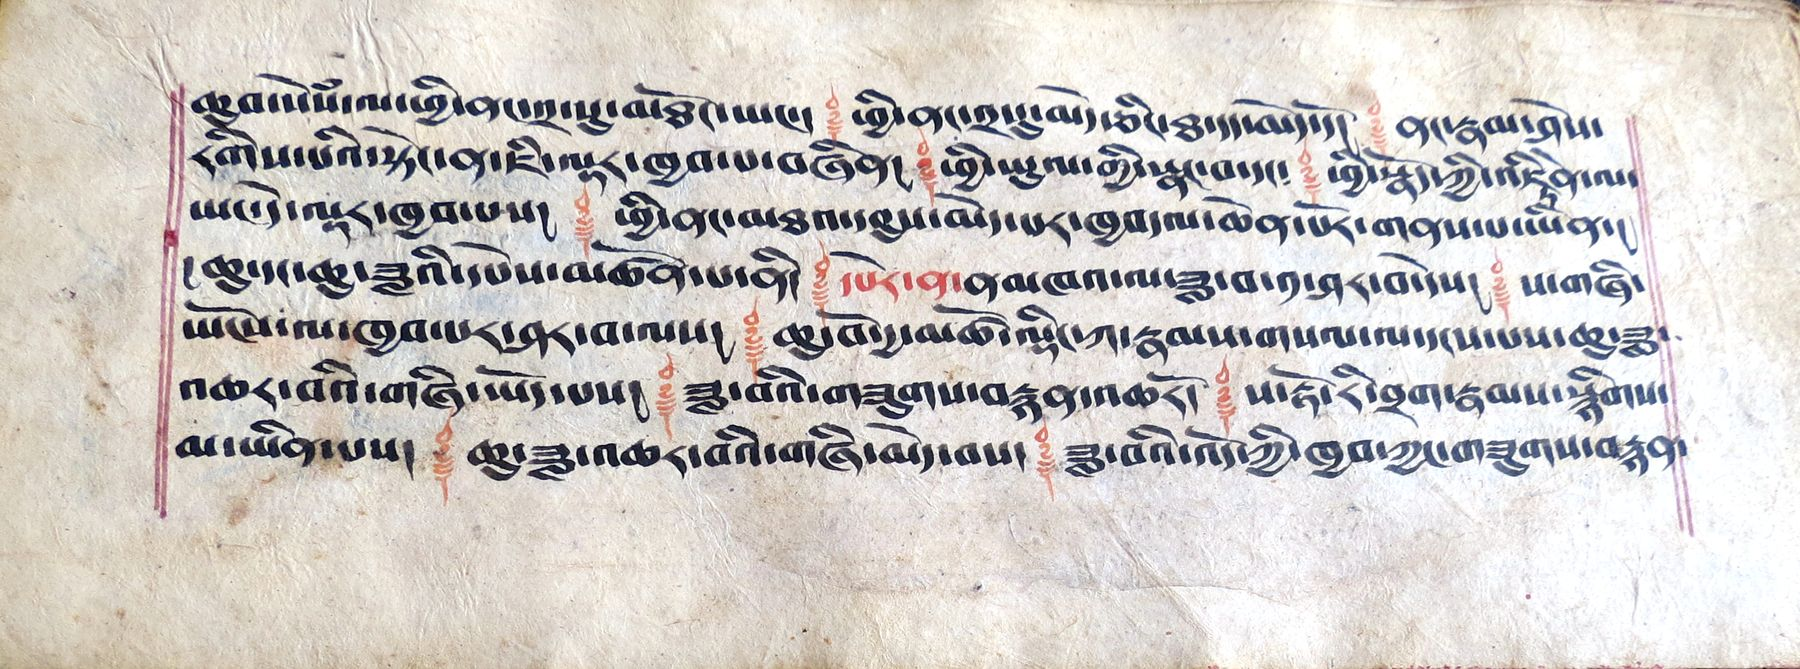ཆུབ་སེམས་ལ་ཕྱི་ནང་གཉིས་སུ་མཐོང་ཡང་། ཕྱི་ནང་མེད་ཅིང་ཐ་དད་མེད་དོ། ། ནང་རྣམ་ཤེས་
རིག་པའི་སྟེང་ན་ཅི་ལྟར་ཁྱབ་པ་བཞིན། ཕྱི་ཡུལ་གྱི་སྣང་བ་དང་། ཕྱི་སྣོད་ཀྱི་འཇིག་རྟེན་ལ་
ཡང་དེ་ལྟར་ཁྱབ་པས། ཕྱི་ནང་མཐའ་དབུས་མེད་པར་ཁྱབ་བདལ་ཆེན་པོར་གནས་པ་ཡིན་ནོ། ། 
ཆུ་དང་ཆུ་ཟླའི་དཔེས་མཚོན་པ་ནི། དཔེར་ན་ནམ་མཁའ་ལ་ཟླ་བ་གཅིག་ཤར་བ་དེས། ས་གཞི་
ཡོངས་ལ་ཁྱབ་པར་ཤར་བ་ལས། ཆུ་བོ་རྒྱ་མཚོ་ལྡེང་ཀ་རྣམས་གསལ་ལ་དྭངས་པས། ཆུ་ཟླ་
འཆར་བའི་གཞི་ཡོད་པས། ཟླ་བའི་གཟུགས་བརྙན་འཆར་རོ། ། ས་རྡོ་རི་བྲག་རྣམས་སྙིགས་
མ་ཡིན་པས། ཆུ་ཟླ་འཆར་བའི་གཞི་མེད་པས། ཟླ་བའི་འོད་ཀྱི་ཁྱབ་ཀྱང་གཟུགས་བརྙན་